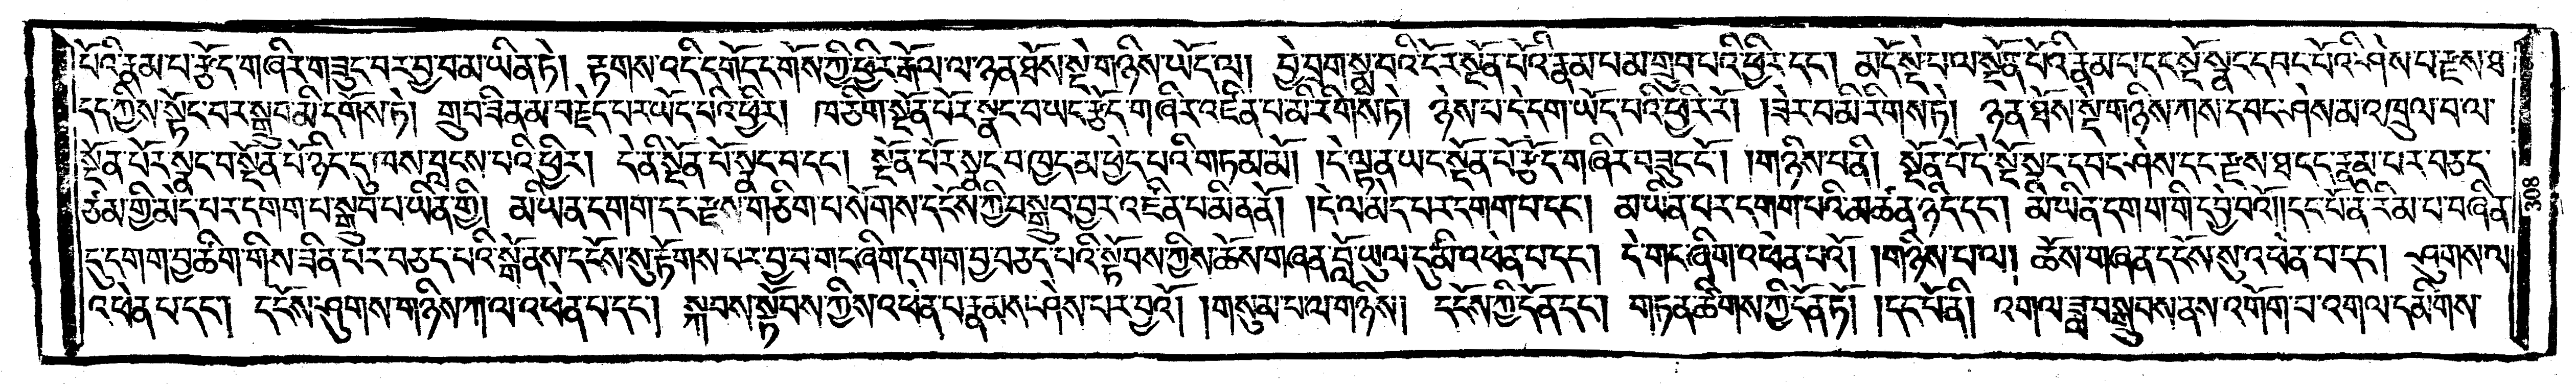པོའི་རྣམ་པ་རྩོད་གཞིར་གཟུང་བར་བྱ་བ་མ་ཡིན་ཏེ། རྟགས་འདི་དགོད་དགོས་ཀྱི་ཕྱིར་རྒོལ་ལ་ཉན་ཐོས་སྡེ་གཉིས་ཡོད་ལ། བྱེ་བྲག་སྨྲ་བའི་ངོར་སྔོན་པོའི་རྣམ་པ་མ་གྲུབ་པའི་ཕྱིར་དང་། མདོ་སྡེ་པ་ལ་སྔོན་པོའི་རྣམ་པ་དང་སྔོ་སྣང་དབང་པོའི་ཤེས་པ་རྫས་ཐ་
དད་ཀྱིས་སྟོང་བར་སྒྲུབ་མི་དགོས་ཏེ། གྲུབ་ཟིན་མ་བརྗེད་པར་ཡོད་པའི་ཕྱིར། ཁ་ཅིག་སྔོན་པོར་སྣང་བ་ཡང་རྩོད་གཞིར་འཛིན་པ་མི་རིགས་ཏེ། ཉེས་པ་དེ་དག་ཡོད་པའི་ཕྱིར་རོ། །ཟེར་བ་མི་རིགས་ཏེ། ཉན་ཐོས་སྡེ་གཉིས་ཀས་དབང་ཤེས་མ་འཁྲུལ་བ་ལ་
སྔོན་པོར་སྣང་བ་སྔོན་པོ་ཉིད་དུ་ཁས་བླངས་པའི་ཕྱིར། དེ་ནི་སྔོན་པོ་སྣང་བ་དང་། སྔོན་པོར་སྣང་བ་ཁྱད་མ་ཕྱེད་པའི་གཏམ་མོ། །དེ་ལྟ་ན་ཡང་སྔོན་པོ་རྩོད་གཞིར་བཟུང་ངོ། །གཉིས་པ་ནི། སྔོན་པོ་དེ་སྔོ་སྣང་དབང་ཤེས་དང་རྫས་ཐ་དད་རྣམ་པར་བཅད་
ཙམ་གྱི་མེད་པར་དགག་པ་སྒྲུབ་པ་ཡིན་གྱི། མ་ཡིན་དགག་དང་རྫས་གཅིག་པ་སོགས་དངོས་ཀྱི་བསྒྲུབ་བྱར་འཛིན་པ་མིན་ནོ། །དེ་ལ་མེད་པར་དགག་པ་དང་། མ་ཡིན་པར་དགག་པའི་མཚན་ཉིད་དང་། མ་ཡིན་དགག་གི་དབྱེ་བའོ། །དང་པོ་ནི་རིམ་པ་བཞིན་
དུ་དགག་བྱ་ཚིག་གིས་ཟིན་པར་བཅད་པའི་སྒོ་ནས་དངོས་སུ་རྟོགས་པར་བྱ་བ་གང་ཞིག་དགག་བྱ་བཅད་པའི་སྟོབས་ཀྱིས་ཆོས་གཞན་བློ་ཡུལ་དུ་མི་འཕེན་པ་དང་། དེ་གང་ཞིག་འཕེན་པའོ། །གཉིས་པ་ལ། ཆོས་གཞན་དངོས་སུ་འཕེན་པ་དང་། ཤུགས་ལ་
འཕེན་པ་དང་། དངོས་ཤུགས་གཉིས་ཀ་ལ་འཕེན་པ་དང་། སྐབས་སྟོབས་ཀྱིས་འཕེན་པ་རྣམས་ཤེས་པར་བྱའོ། །གསུམ་པ་ལ་གཉིས། དངོས་ཀྱི་དོན་དང་། གཏན་ཚིགས་ཀྱི་དོན་ཏོ། །དང་པོ་ནི། འགལ་ཟླ་བསྒྲུབས་ནས་འགོག་པ་འགལ་དམིགས་